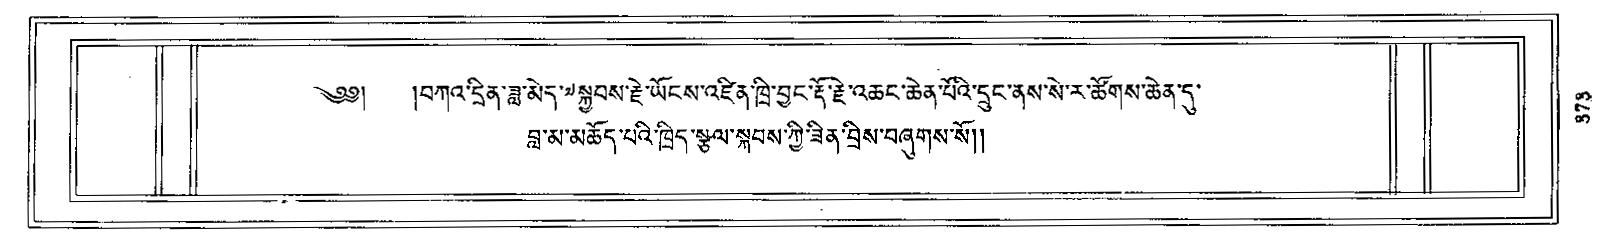༄༅། །བཀའ་དྲིན་ཟླ་མེད་༧་སྐྱབས་རྗེ་ཡོངས་འཛིན་ཁྲི་བྱང་རྡོ་རྗེ་འཆང་ཆེན་པོའི་དྲུང་ནས་སེ་ར་ཚོགས་ཆེན་དུ་
བླ་མ་མཆོད་པའི་ཁྲིད་སྩལ་སྐབས་ཀྱི་ཟིན་བྲིས་བཞུགས་སོ།།
༈